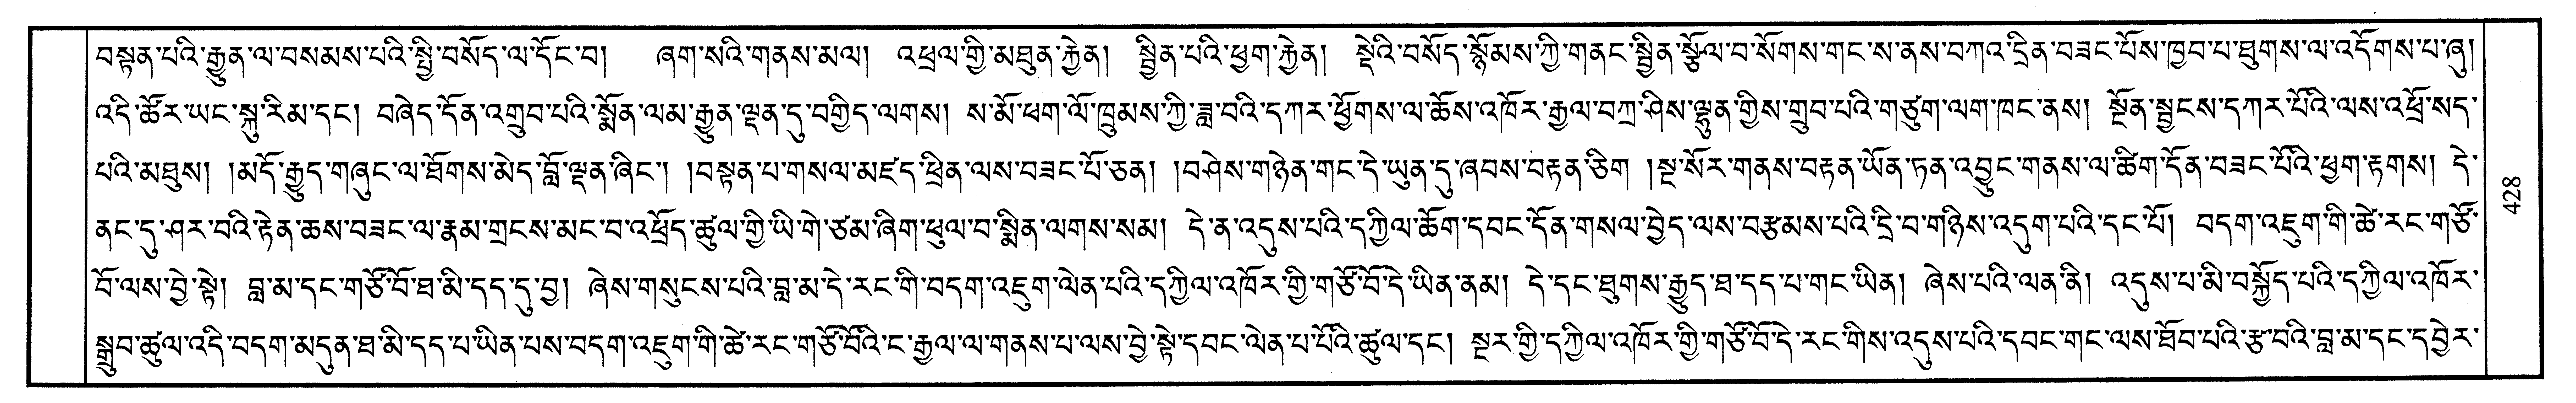བསྟན་པའི་རྒྱུན་ལ་བསམས་པའི་སྤྱི་བསོད་ལ་དོང་བ། ཞག་སའི་གནས་མལ། འཕྲལ་གྱི་མཐུན་རྐྱེན། སྦྱིན་པའི་ཕྱག་རྐྱེན། སྡེའི་བསོད་སྙོམས་ཀྱི་གནང་སྦྱིན་སྩོལ་བ་སོགས་གང་ས་ནས་བཀའ་དྲིན་བཟང་པོས་ཁྱབ་པ་ཐུགས་ལ་འདོགས་པ་ཞུ།
འདི་ཚོར་ཡང་སྐུ་རིམ་དང་། བཞེད་དོན་འགྲུབ་པའི་སྨོན་ལམ་རྒྱུན་ལྡན་དུ་བགྱིད་ལགས། ས་མོ་ཕག་ལོ་ཁྲུམས་ཀྱི་ཟླ་བའི་དཀར་ཕྱོགས་ལ་ཆོས་འཁོར་རྒྱལ་བཀྲ་ཤིས་ལྷུན་གྱིས་གྲུབ་པའི་གཙུག་ལག་ཁང་ནས། སྔོན་སྦྱངས་དཀར་པོའི་ལས་འཕྲོ་སད་
པའི་མཐུས། །མདོ་རྒྱུད་གཞུང་ལ་ཐོགས་མེད་བློ་ལྡན་ཞིང་། །བསྟན་པ་གསལ་མཛད་ཕྲིན་ལས་བཟང་པོ་ཅན། །བཤེས་གཉེན་གང་དེ་ཡུན་དུ་ཞབས་བརྟན་ཅིག །སྔ་སོར་གནས་བརྟན་ཡོན་ཏན་འབྱུང་གནས་ལ་ཚིག་དོན་བཟང་པོའི་ཕྱག་རྟགས། དེ་
ནང་དུ་ཤར་བའི་རྟེན་ཆས་བཟང་ལ་རྣམ་གྲངས་མང་བ་འཕྲོད་ཚུལ་གྱི་ཡི་གེ་ཙམ་ཞིག་ཕུལ་བ་སྨིན་ལགས་སམ། དེ་ན་འདུས་པའི་དཀྱིལ་ཆོག་དབང་དོན་གསལ་བྱེད་ལས་བརྩམས་པའི་དྲི་བ་གཉིས་འདུག་པའི་དང་པོ། བདག་འཇུག་གི་ཚེ་རང་གཙོ་
བོ་ལས་བྱེ་སྟེ། བླ་མ་དང་གཙོ་བོ་ཐ་མི་དད་དུ་བྱ། ཞེས་གསུངས་པའི་བླ་མ་དེ་རང་གི་བདག་འཇུག་ལེན་པའི་དཀྱིལ་འཁོར་གྱི་གཙོ་བོ་དེ་ཡིན་ནམ། དེ་དང་ཐུགས་རྒྱུད་ཐ་དད་པ་གང་ཡིན། ཞེས་པའི་ལན་ནི། འདུས་པ་མི་བསྐྱོད་པའི་དཀྱིལ་འཁོར་
སྒྲུབ་ཚུལ་འདི་བདག་མདུན་ཐ་མི་དད་པ་ཡིན་པས་བདག་འཇུག་གི་ཚེ་རང་གཙོ་བོའི་ང་རྒྱལ་ལ་གནས་པ་ལས་བྱེ་སྟེ་དབང་ལེན་པ་པོའི་ཚུལ་དང་། སྔར་གྱི་དཀྱིལ་འཁོར་གྱི་གཙོ་བོ་དེ་རང་གིས་འདུས་པའི་དབང་གང་ལས་ཐོབ་པའི་རྩ་བའི་བླ་མ་དང་དབྱེར་